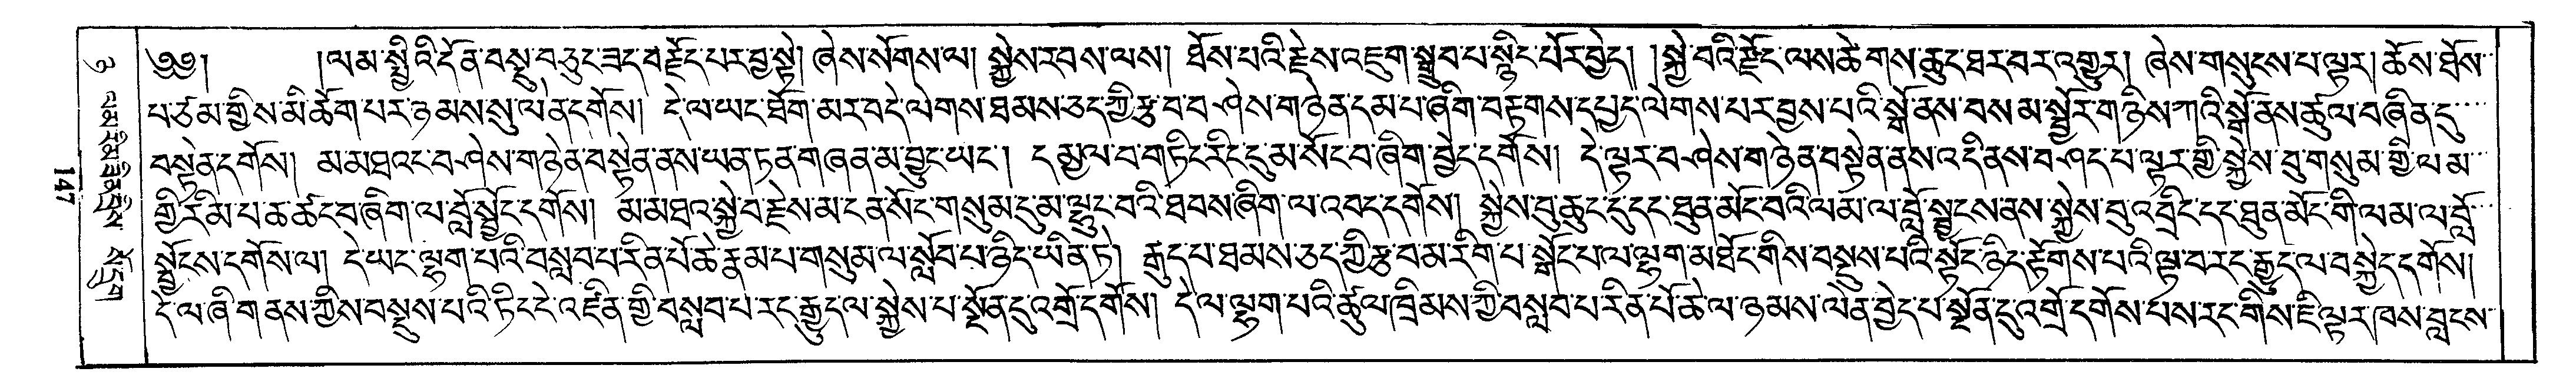༄༅། །ལམ་སྤྱིའི་དོན་བསྡུ་བ་ཅུང་ཟད་བརྗོད་པར་བྱ་སྟེ། ཞེས་སོགས་ལ། སྐྱེས་རབས་ལས། ཐོས་པའི་རྗེས་འཇུག་སྒྲུབ་པ་སྙིང་པོར་བྱེད། །སྐྱེ་བའི་རྫོང་ལས་ཚིགས་ཆུང་ཐར་བར་འགྱུར། ཞེས་གསུངས་པ་ལྟར། ཆོས་ཐོས་
པ་ཙམ་གྱིས་མི་ཆོག་བར་ཉམས་སུ་ལེན་དགོས། དེ་ལ་ཡང་ཐོག་མར་བདེ་ལེགས་ཐམས་ཅད་ཀྱི་རྩ་བ་བཤེས་གཉེན་དམ་པའི་ཞིག་བརྟགས་དཔྱད་ལེགས་པར་བྱས་པའི་སྒོ་ནས་བསམ་སྦྱོར་གཉིས་ཀའི་སྒོ་ནས་ཚུལ་བཞིན་དུ་
བསྟེན་དགོས། མ་མཐའང་བཤེས་གཉེན་བསྟེན་ནས་ཡོན་ཏན་གཞན་མ་བྱུང་ཡང་། དམྱལ་བ་གཏིང་རིང་དུ་མ་སོང་བ་ཞིག་བྱེད་དགོས། དེ་ལྟར་བཤེས་གཉེན་བསྟེན་ནས་འདི་ནས་བཤད་པ་ལྟར་གྱི་སྐྱེས་བུ་གསུམ་གྱི་ལམ་
གྱི་རིམ་པ་ཆ་ཚང་བ་ཞིག་ལ་བློ་སྦྱོང་དགོས། མ་མཐའ་སྐྱེ་བ་རྗེས་མངན་སོང་གསུམ་དུ་མ་ལྷུང་བའི་ཐབས་ཞིག་ལ་འབད་དགོས། སྐྱེས་བུ་ཆུང་ངུ་དང་ཐུན་མོང་བའི་ལམ་ལ་བློ་སྦྱངས་ནས་སྐྱེས་བུ་འབྲིང་དང་ཐུན་མོང་གི་ལམ་ལ་བློ་
སྦྱོངས་དགོས་ལ། དེ་ཡང་ལྷག་པའི་བསླབ་པ་རིན་པོ་ཆེ་རྣམ་པ་གསུམ་ལ་སློབ་པ་ཉིད་ཡིན་ཏེ། རྒུད་པ་ཐམས་ཅད་ཀྱི་རྩ་བ་མ་རིག་པ་སྤོང་བ་ལ་ལྷག་མཐོང་གིས་བསྡུས་པའི་སྟོང་ཉིད་རྟོགས་པའི་ལྟ་བ་རང་རྒྱུད་ལ་བསྐྱེད་དགོས།
དེ་ལ་ཞི་གནས་ཀྱིས་བསྡུས་པའི་ཏིང་ངེ་འཛིན་གྱི་བསླབ་པར་རང་རྒྱུད་ལ་སྐྱེས་པ་སྔོན་དུ་འགྲོ་དགོས། དེ་ལ་ལྷག་པའི་ཚུལ་ཁྲིམས་ཀྱི་བསླབ་པ་རིན་པོ་ཆེ་ལ་ཉམས་ལེན་བྱེད་པ་སྔོན་དུ་འགྲོ་དགོས་པས་རང་གིས་ཇི་ལྟར་ཁས་བླངས་